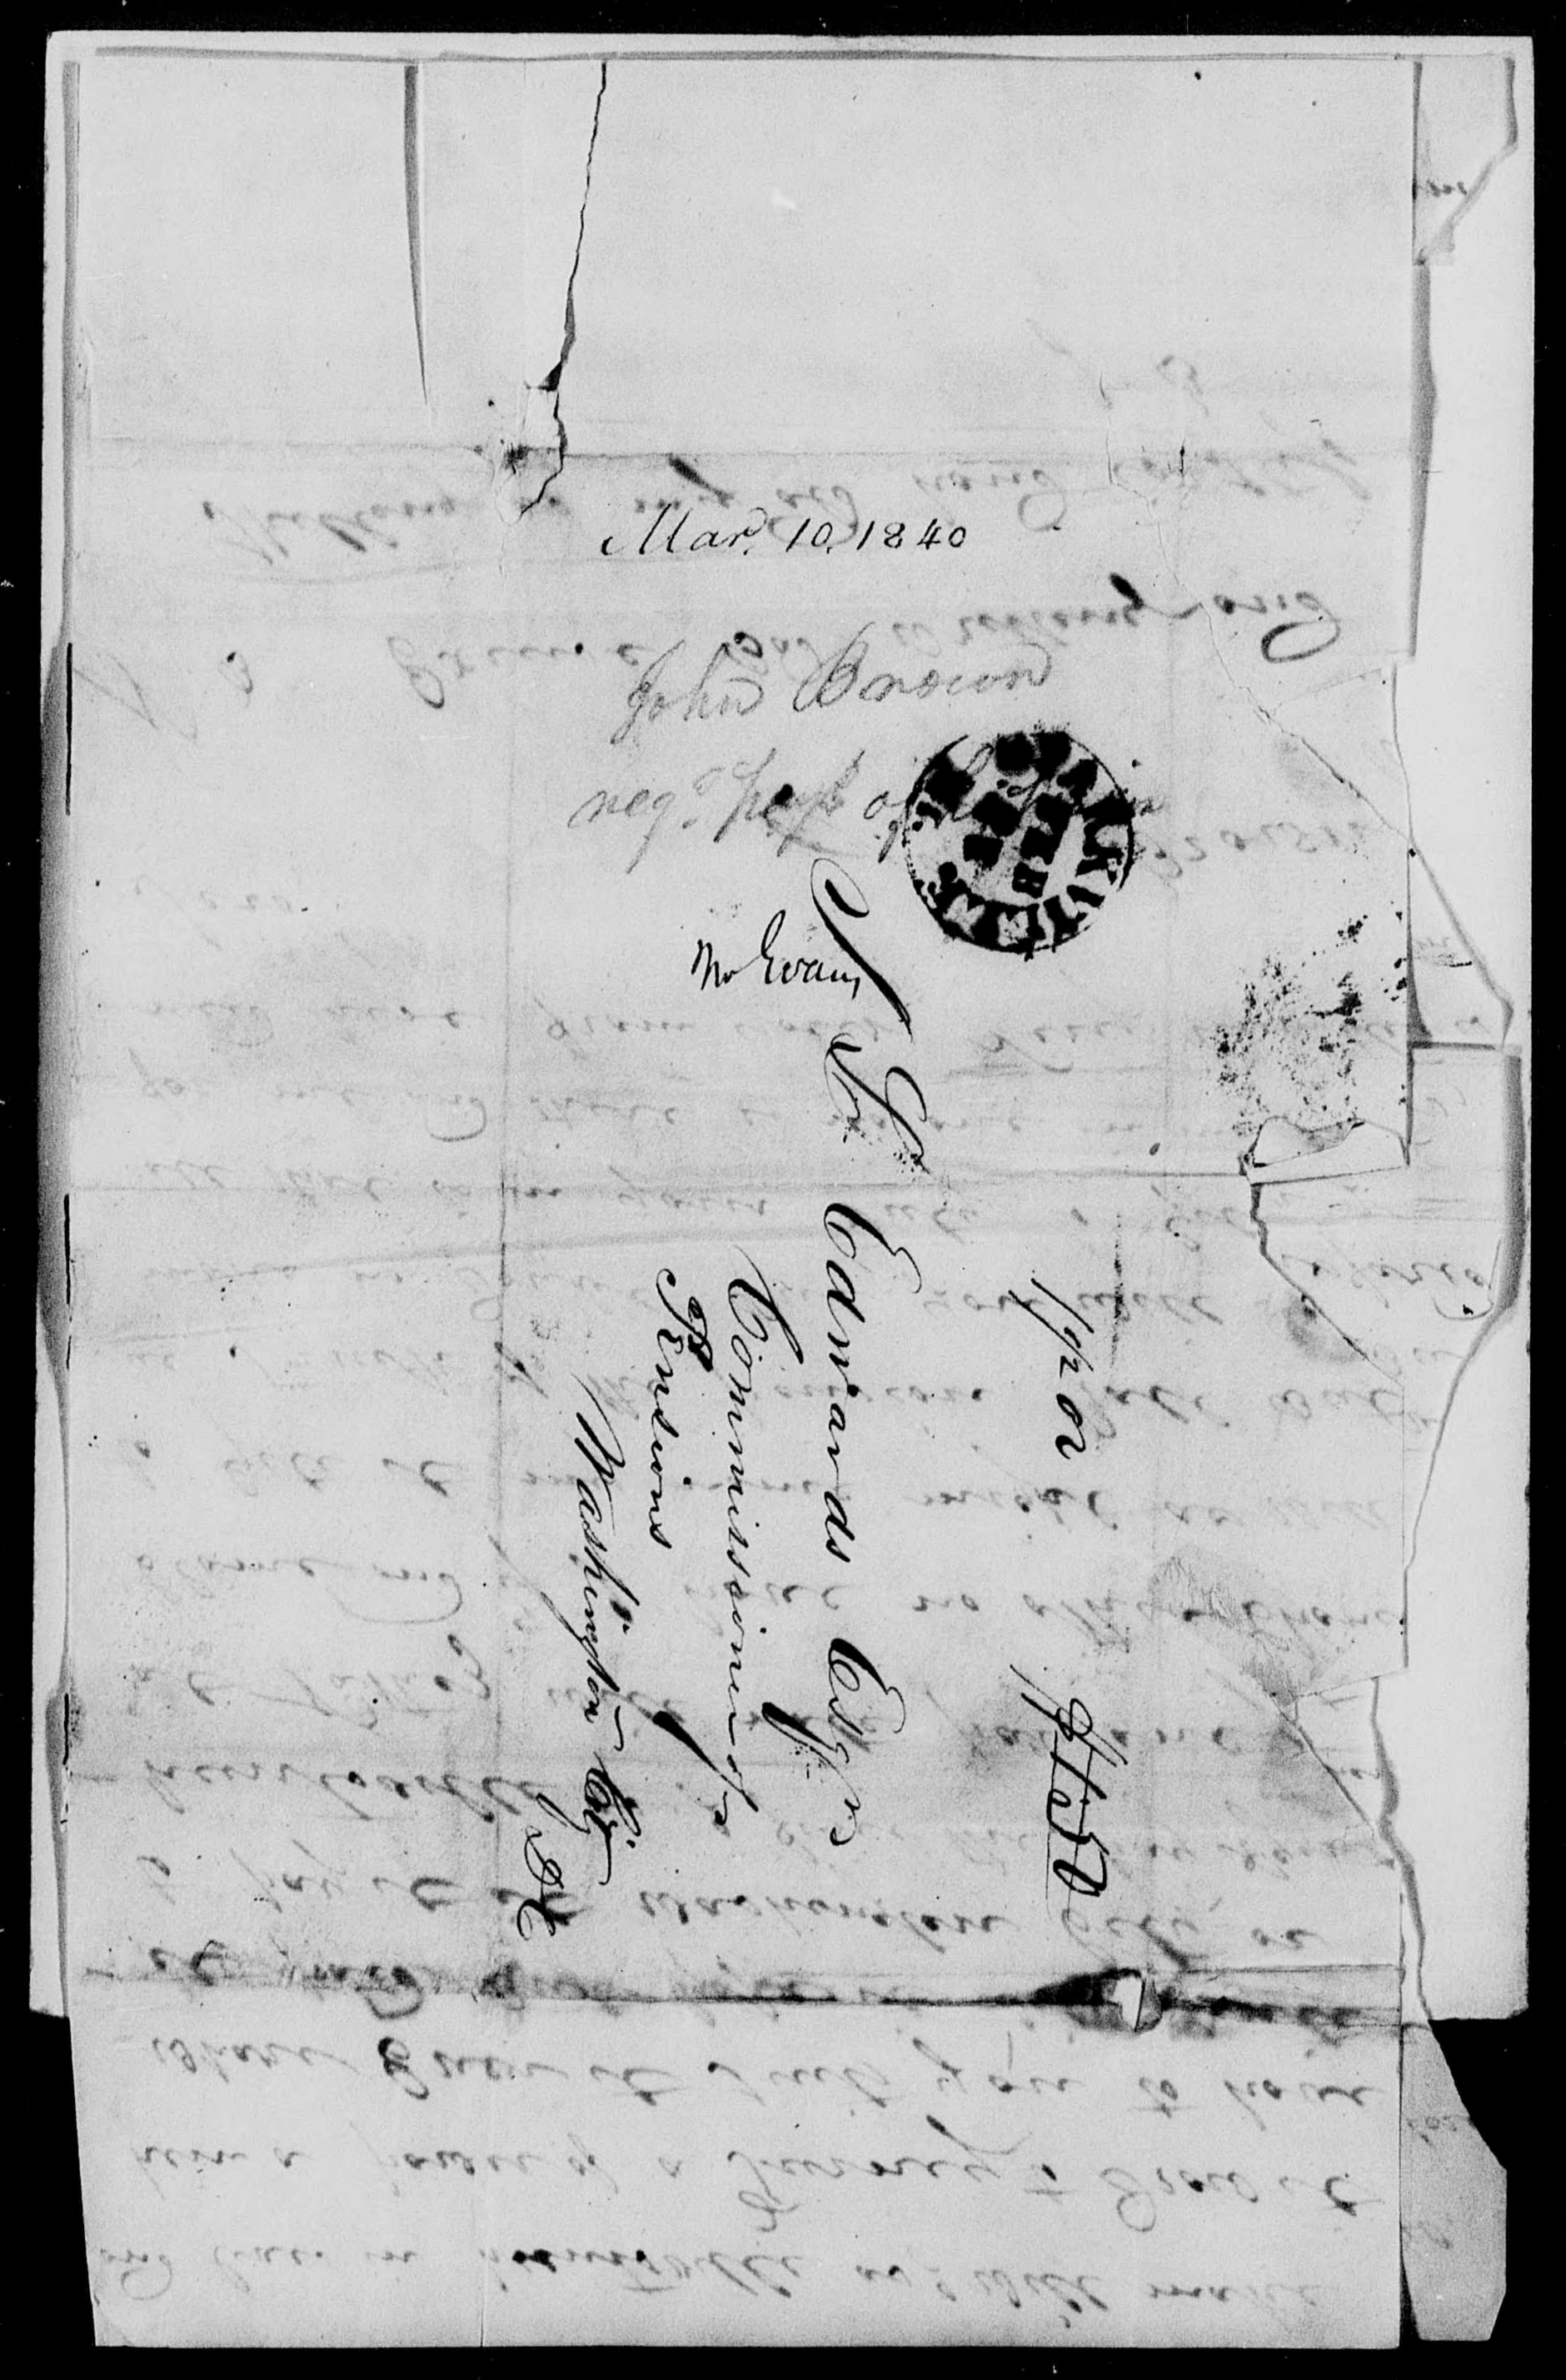Mar 10 1840
John Brown
Mr Evans
JL Edwards Esquire
Commissioner of Pensions
Washington City DC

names: J L Edwards, John Brown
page: 83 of 85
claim: widow's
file: W. 5,906, John Brown, S.C.